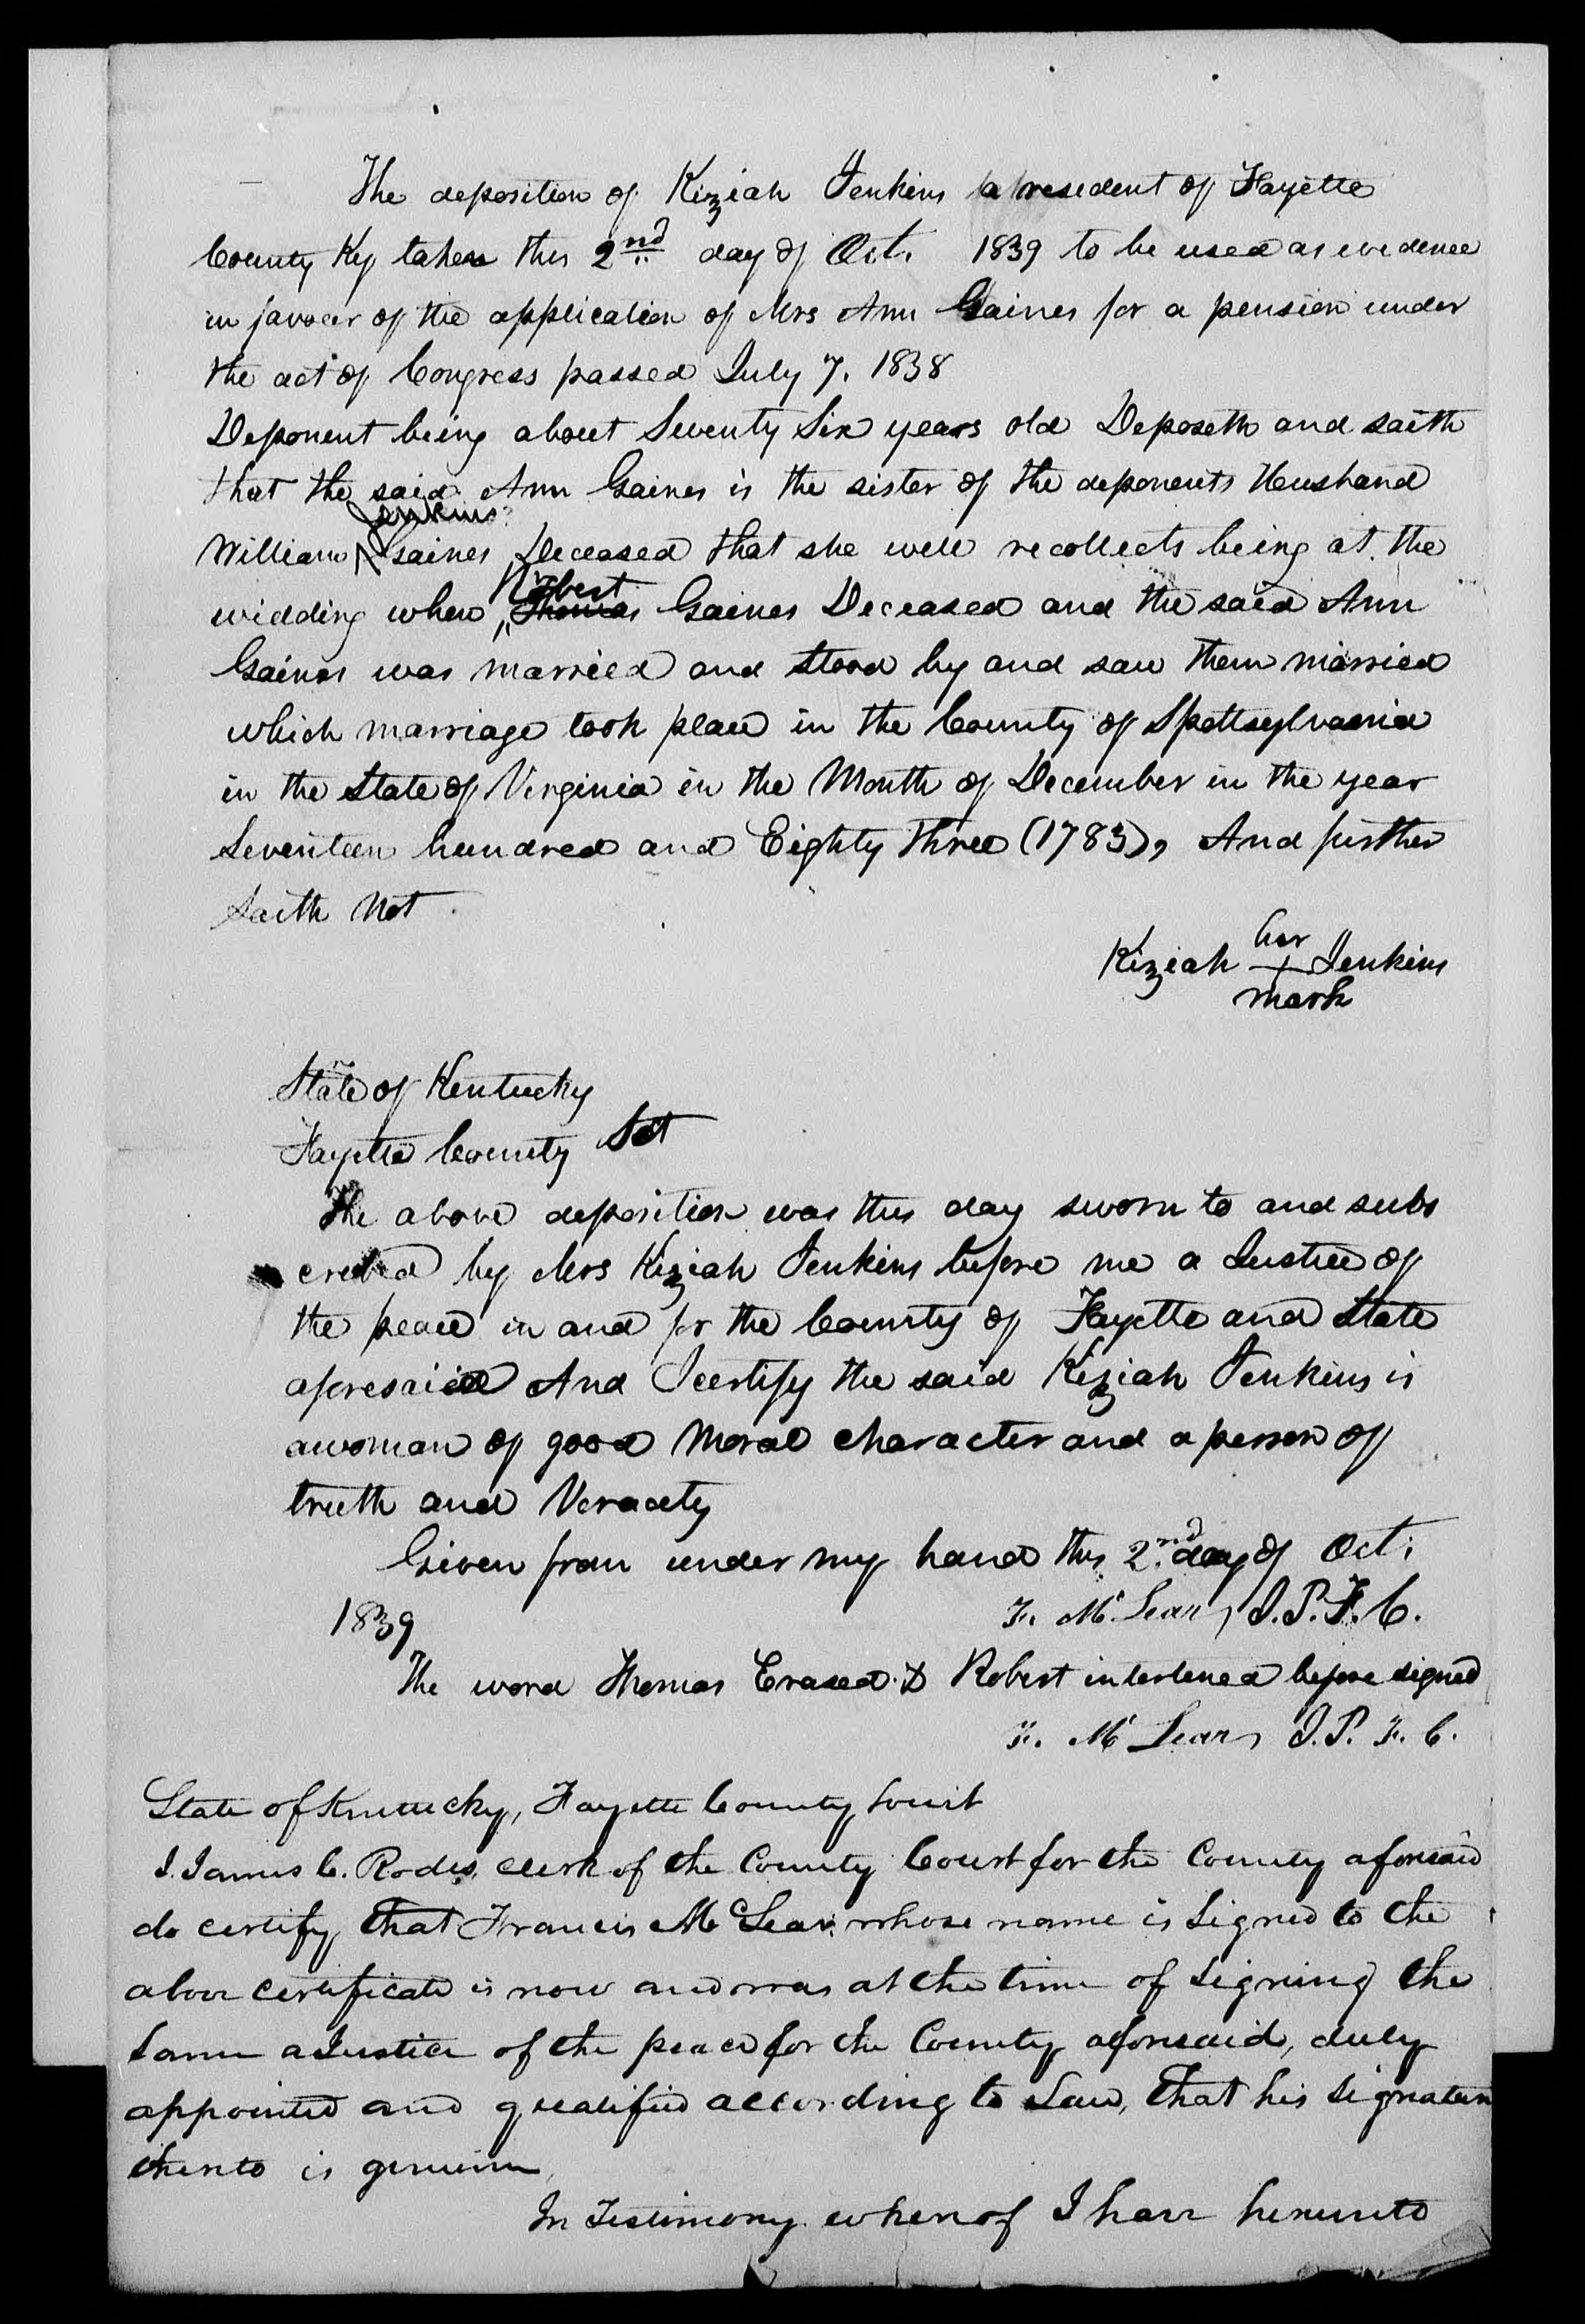The deposition of Kiziah Jenkins a resident of Fayette
County Ky taken this 2nd day of Oct 1839 to be used as evidence
in favor of the application of Mrs Ann Gaines for a pension under 
the act of Congress passed July 7. 1838
Deponent being about Seventy Six years old Deposeth and saith
that the said Ann Gaines is the sister of the deponents husband
William Jenkins Gaines Deceased that she well recollects being at the
wedding when Robert [crossed out] Thomas [/crossed out] Gaines Deceased and the said Ann
Gainer was married and stood by and saw them married
which marriage took place in the County of Spottsylvania
in the State of Virginia in the month of December in the year
Seventeen hundred and Eighty three (1783), And further
saith not
her
Kiziah her x mark Jenkins

State of Kentucky
Fayette County Sct
The above deposition was this day sworn to and subscribed 
by Mrs Keziah Jenkins before me a Justice of
the peace in and for the County of Fayette and State
aforesaid and I certify the said Keziah Jenkins is
a woman of good moral character and a person of
truth and veracity
Given from under my hand this 2nd day of Oct.
1839
F. McLean J.P.F.C.
The word Thomas Erased & Robert interlined before signed
F. McLean J.P.F.C.

State of Kentucky, Fayette County Court
I, James C. Rodes Clerk of the County Court for the County aforesaid
do certify that Francis McLean whose name is signed to the
above certificate is now and was at the time of signing the
same a Justice of the peace for the County aforesaid, duly
appointed and qualified according to Law, that his signature
thereto is genuine.
In Testimony whereof I have hereunto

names: Ann Gaines, Francis Mc Lean, James C Rodes, Thomas, William Gaines, Kiziah Jenkins, Erased D, Kiziah Jenkins, Robert Gaines, Ann Gaines, Kiziah Jenkins, F Mc Lean, Kiziah Jenkins, F Mc Lean, Robert, Ann Gaines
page: 19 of 79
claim: rejected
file: R. 3863, Robert Gaines, Va.